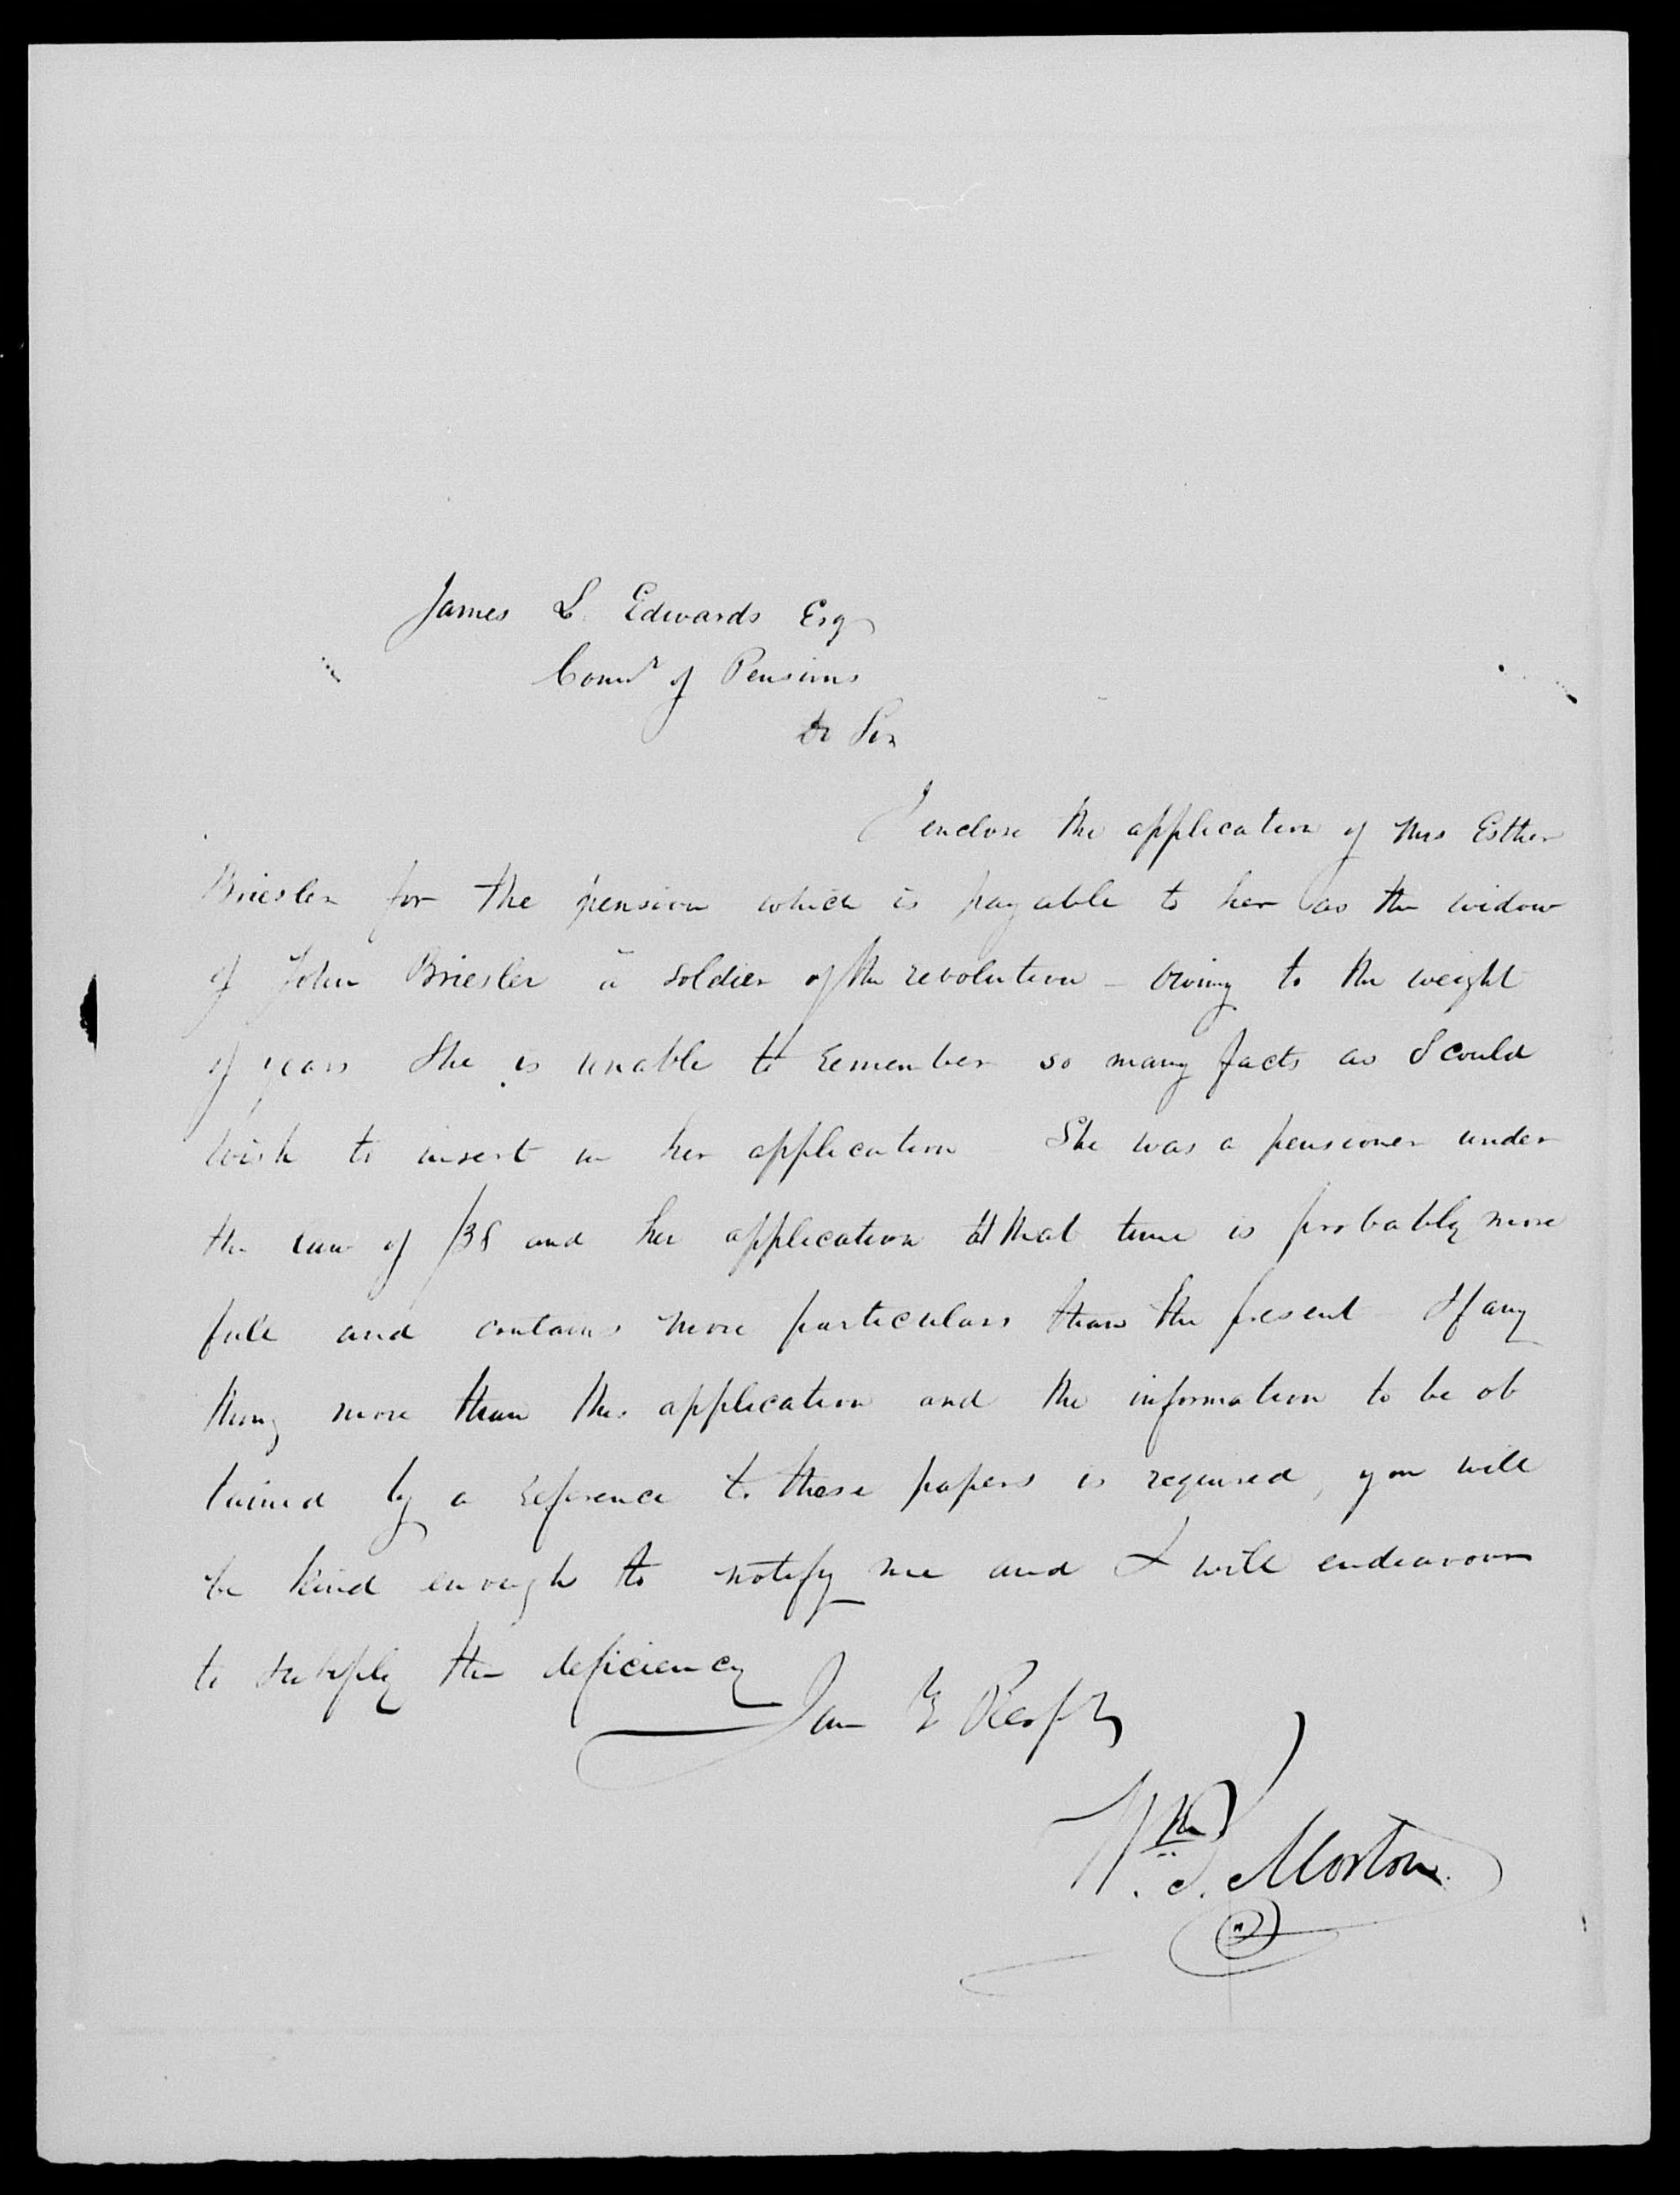James L. Edwards Esq Court of Pensions 
Dr Sir: I enclose  the application of Mrs. Esther Briesler for the pension which is payable to her as the widow of John Brielser a soldier of the revolution - owing to the weight of years she is unable to remember so many facts as I could wish to insert in her application  She was a pensioner under the law of 35 and her application at that time is probably more full and contains more particulars than the present 
If any thing more than the application and the information to be obtained  by a reference to these papers is required,  you will be kind enough to notify me and I will endeavour to fulfill the deficiency 
I am yrs Respectfully  Wm. Morton  M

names: James L Edwards, Jan R Reape, John Briesler, Wm S Morton, Esther Briesler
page: 30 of 46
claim: widow's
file: W. 23,673, John Brisler, Mass.